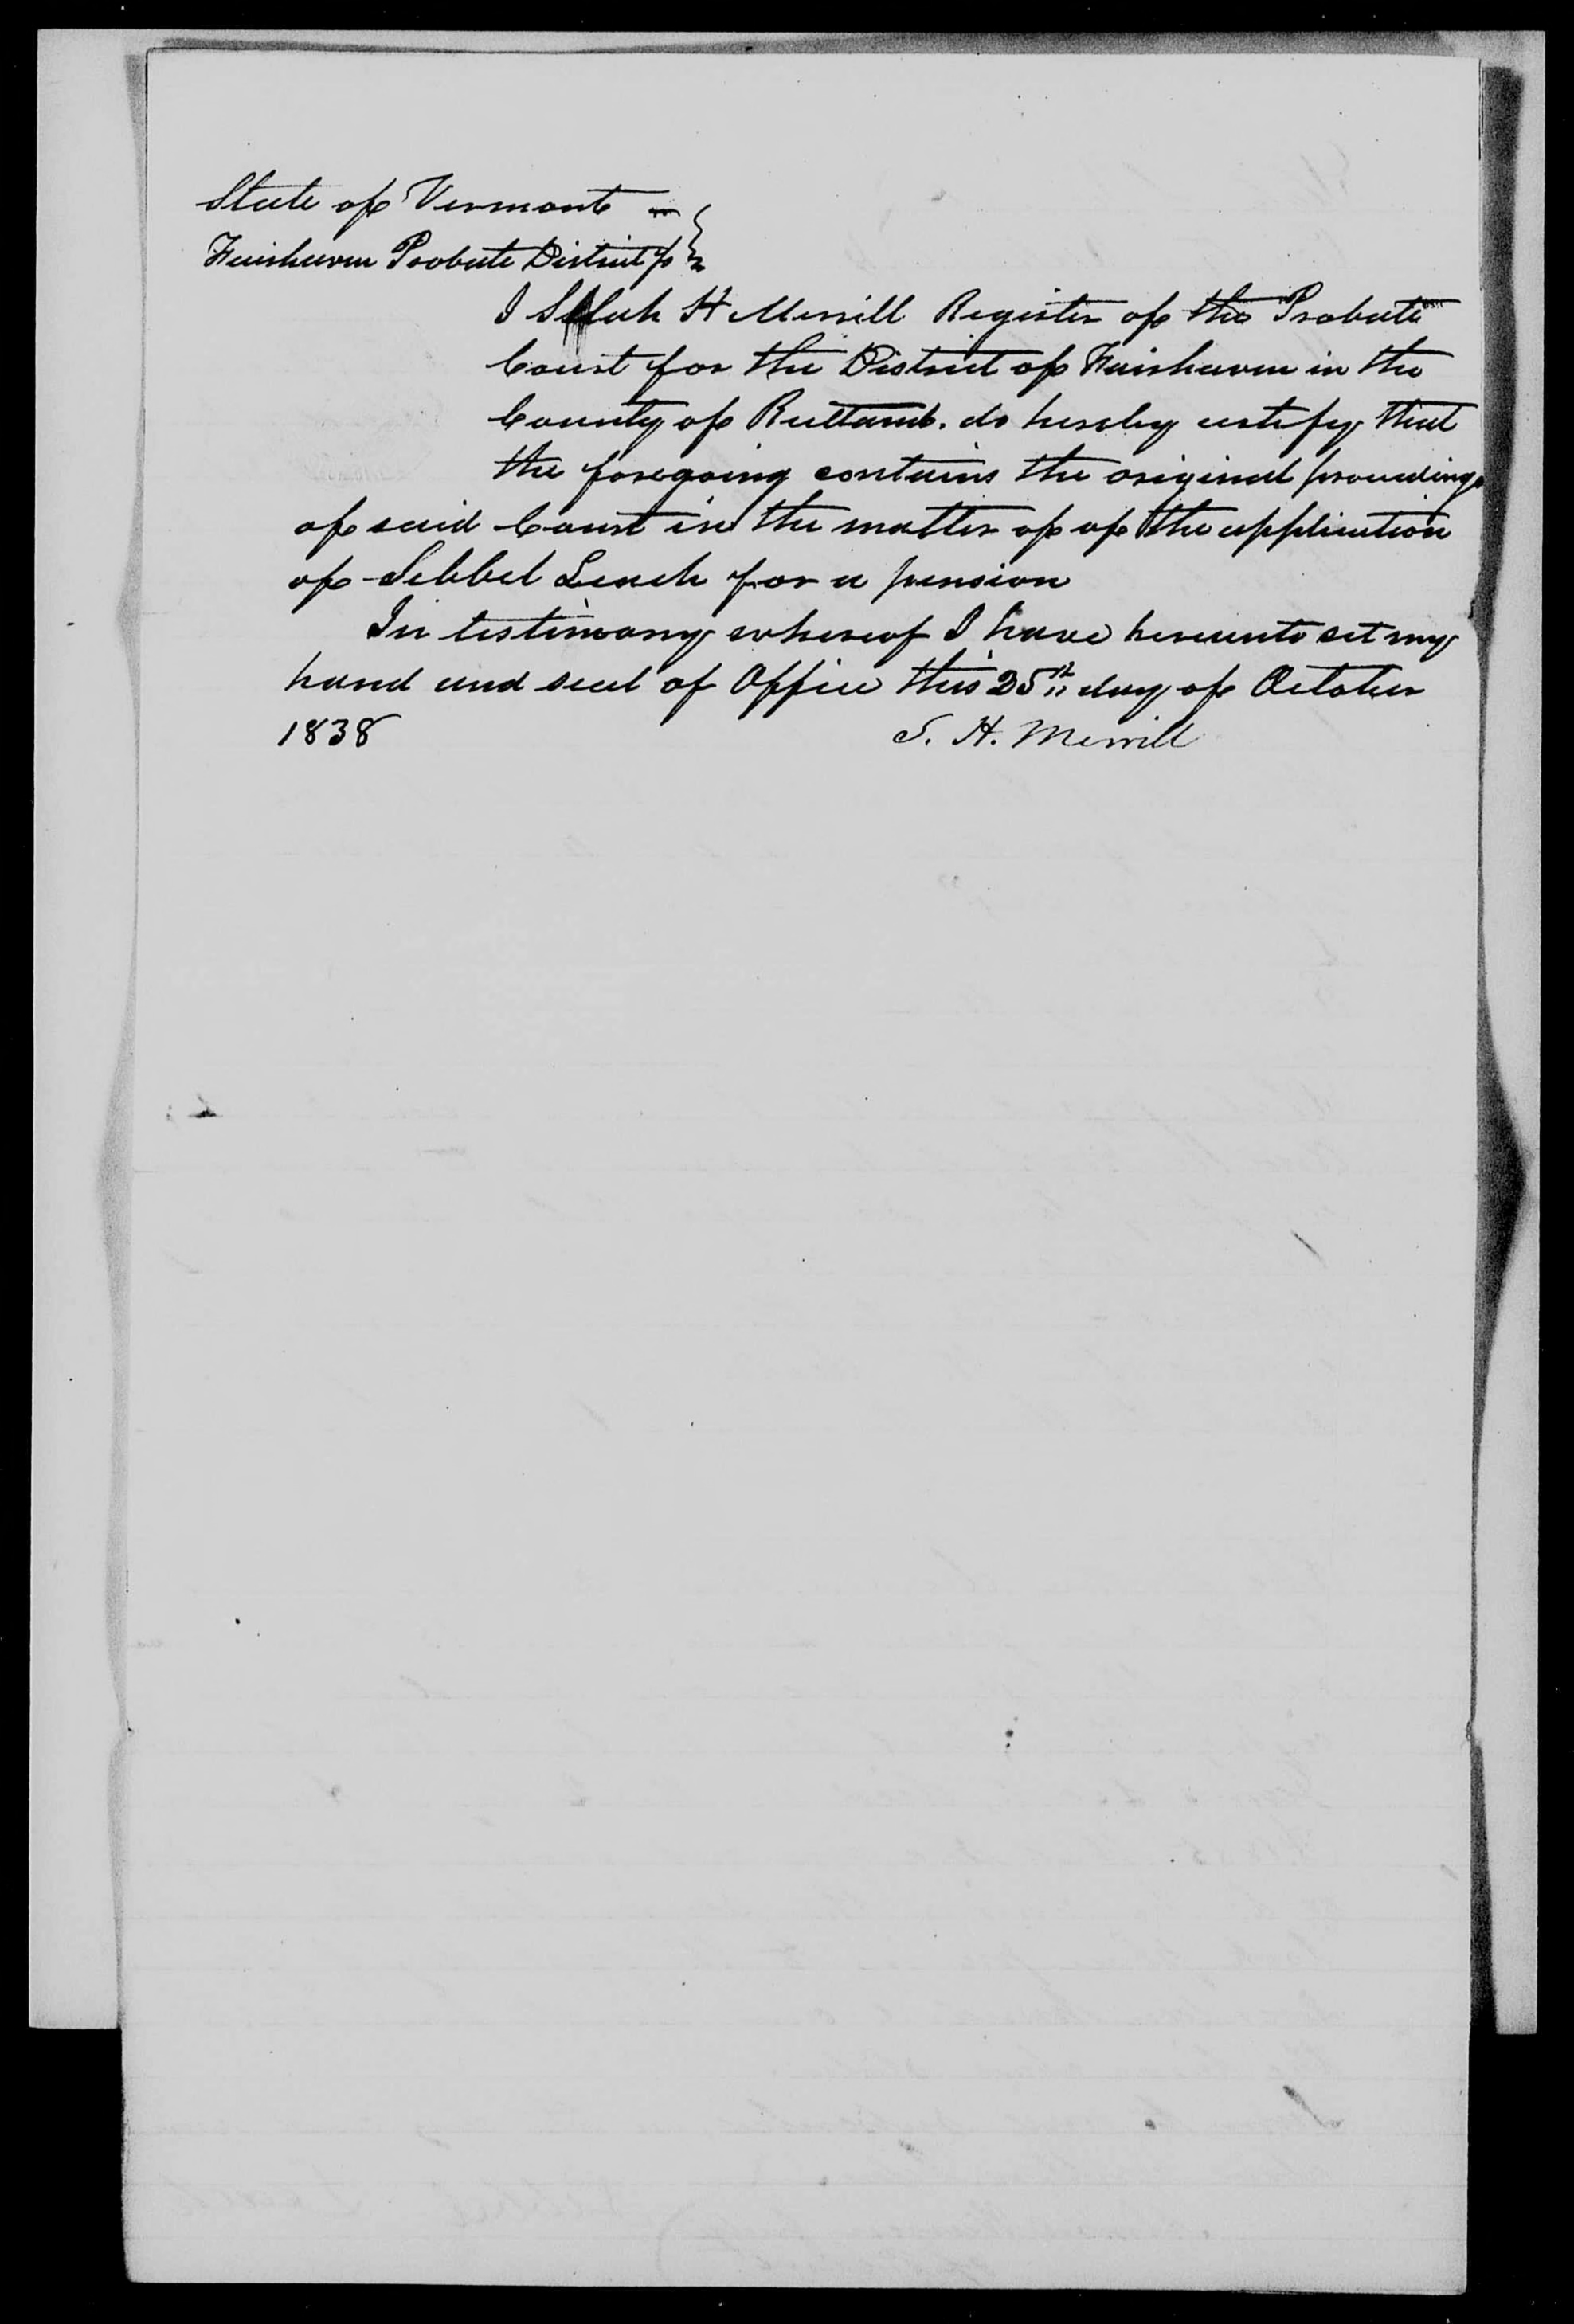State of Vermont
Fairhaven Probate District Ss.

I Selah H Merrill Register of the Probate Court for the District of Fairhaven in the County of Rutland do hereby certify that the foregoing contains the original proceedings of said Court in the matter of the application of Sibbel Leach for a pension.
In testimony whereof I have hereunto set my hand and seal of Office this 25th day of October 1838
S. H. Merrill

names: Selah H Merrill; Sibbel Leach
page: 19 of 27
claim: widow's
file: W. 24,500, for James Leach, Connecticut